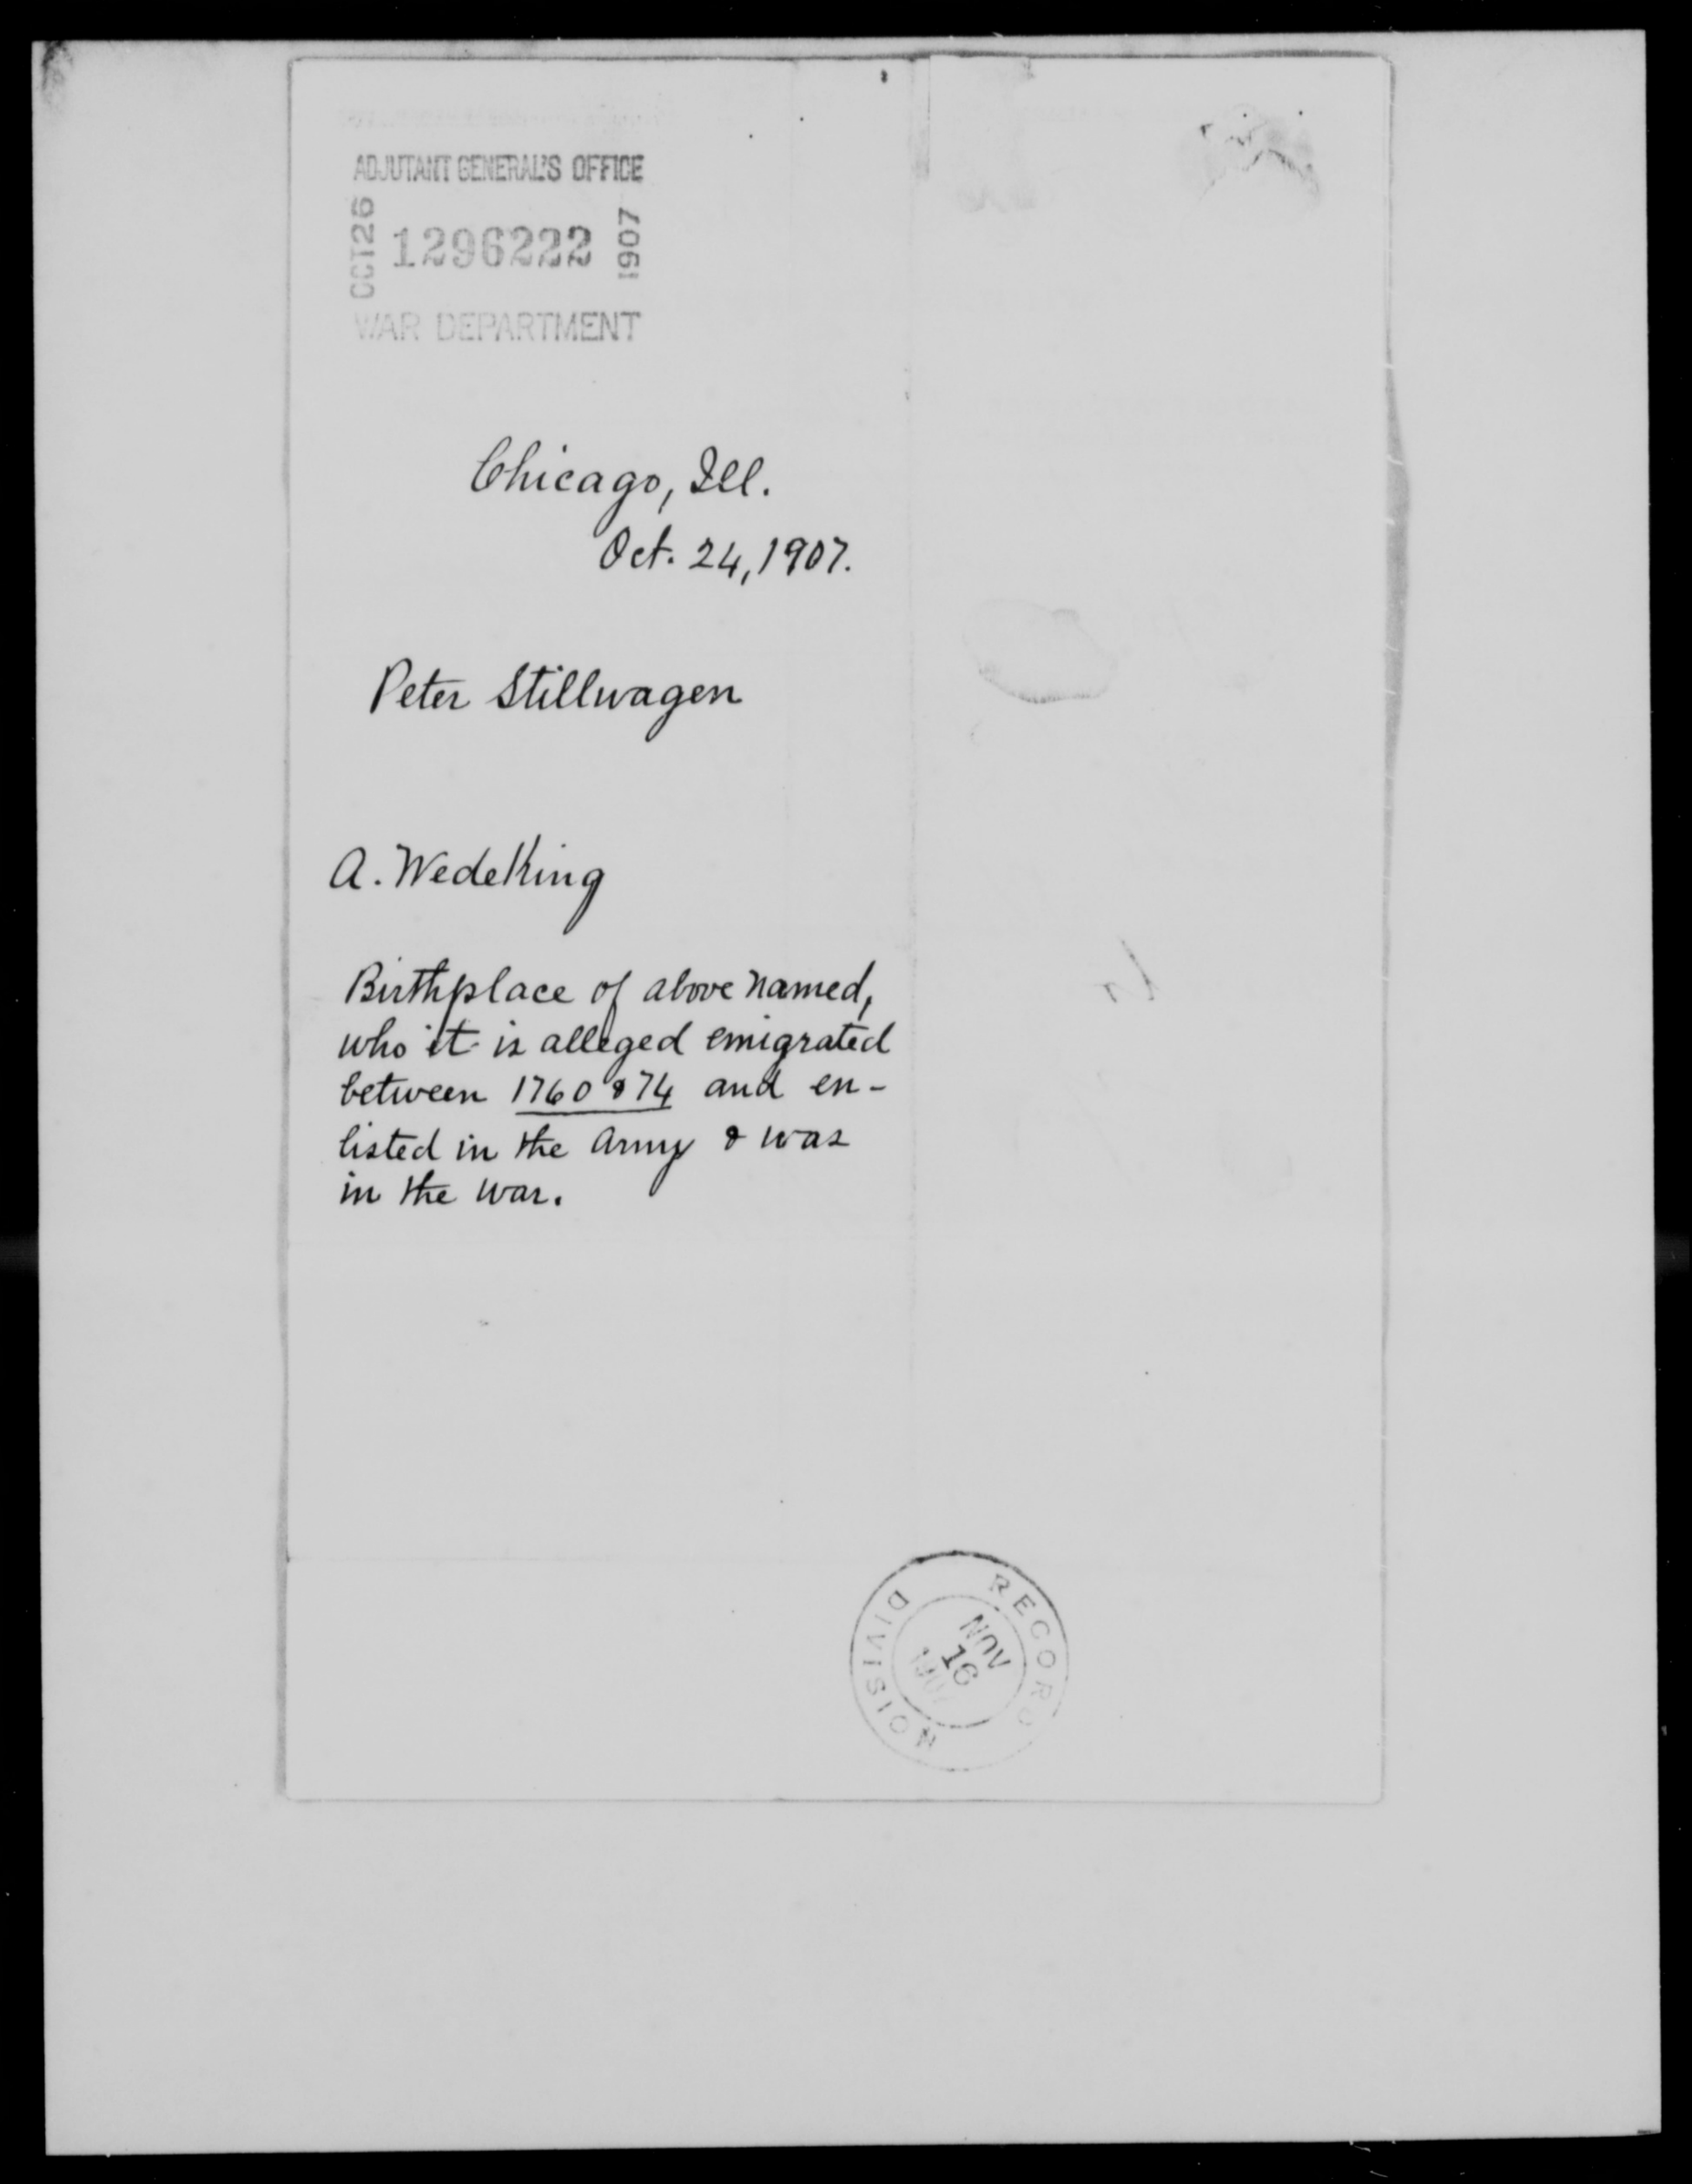[stamped information]Adjutant Generals Office War Department Oct 26 1907  1296222 [stamped information]

Chicago, Ill.	Oct. 24, 1907

Peter Stillwagen [sic]

A. Wedeking

Birthplace of above named, who it is alleged emigrated between 1760 and 74 and enlisted in the Army & was in the war.

[round stamp] Record Division Nov 16 [illegible] [round stamp]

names: Peter Stillwagen; A Wedeking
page: 35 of 73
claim: widow's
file: W. 3197, for Peter Stillwagon, New Jersey